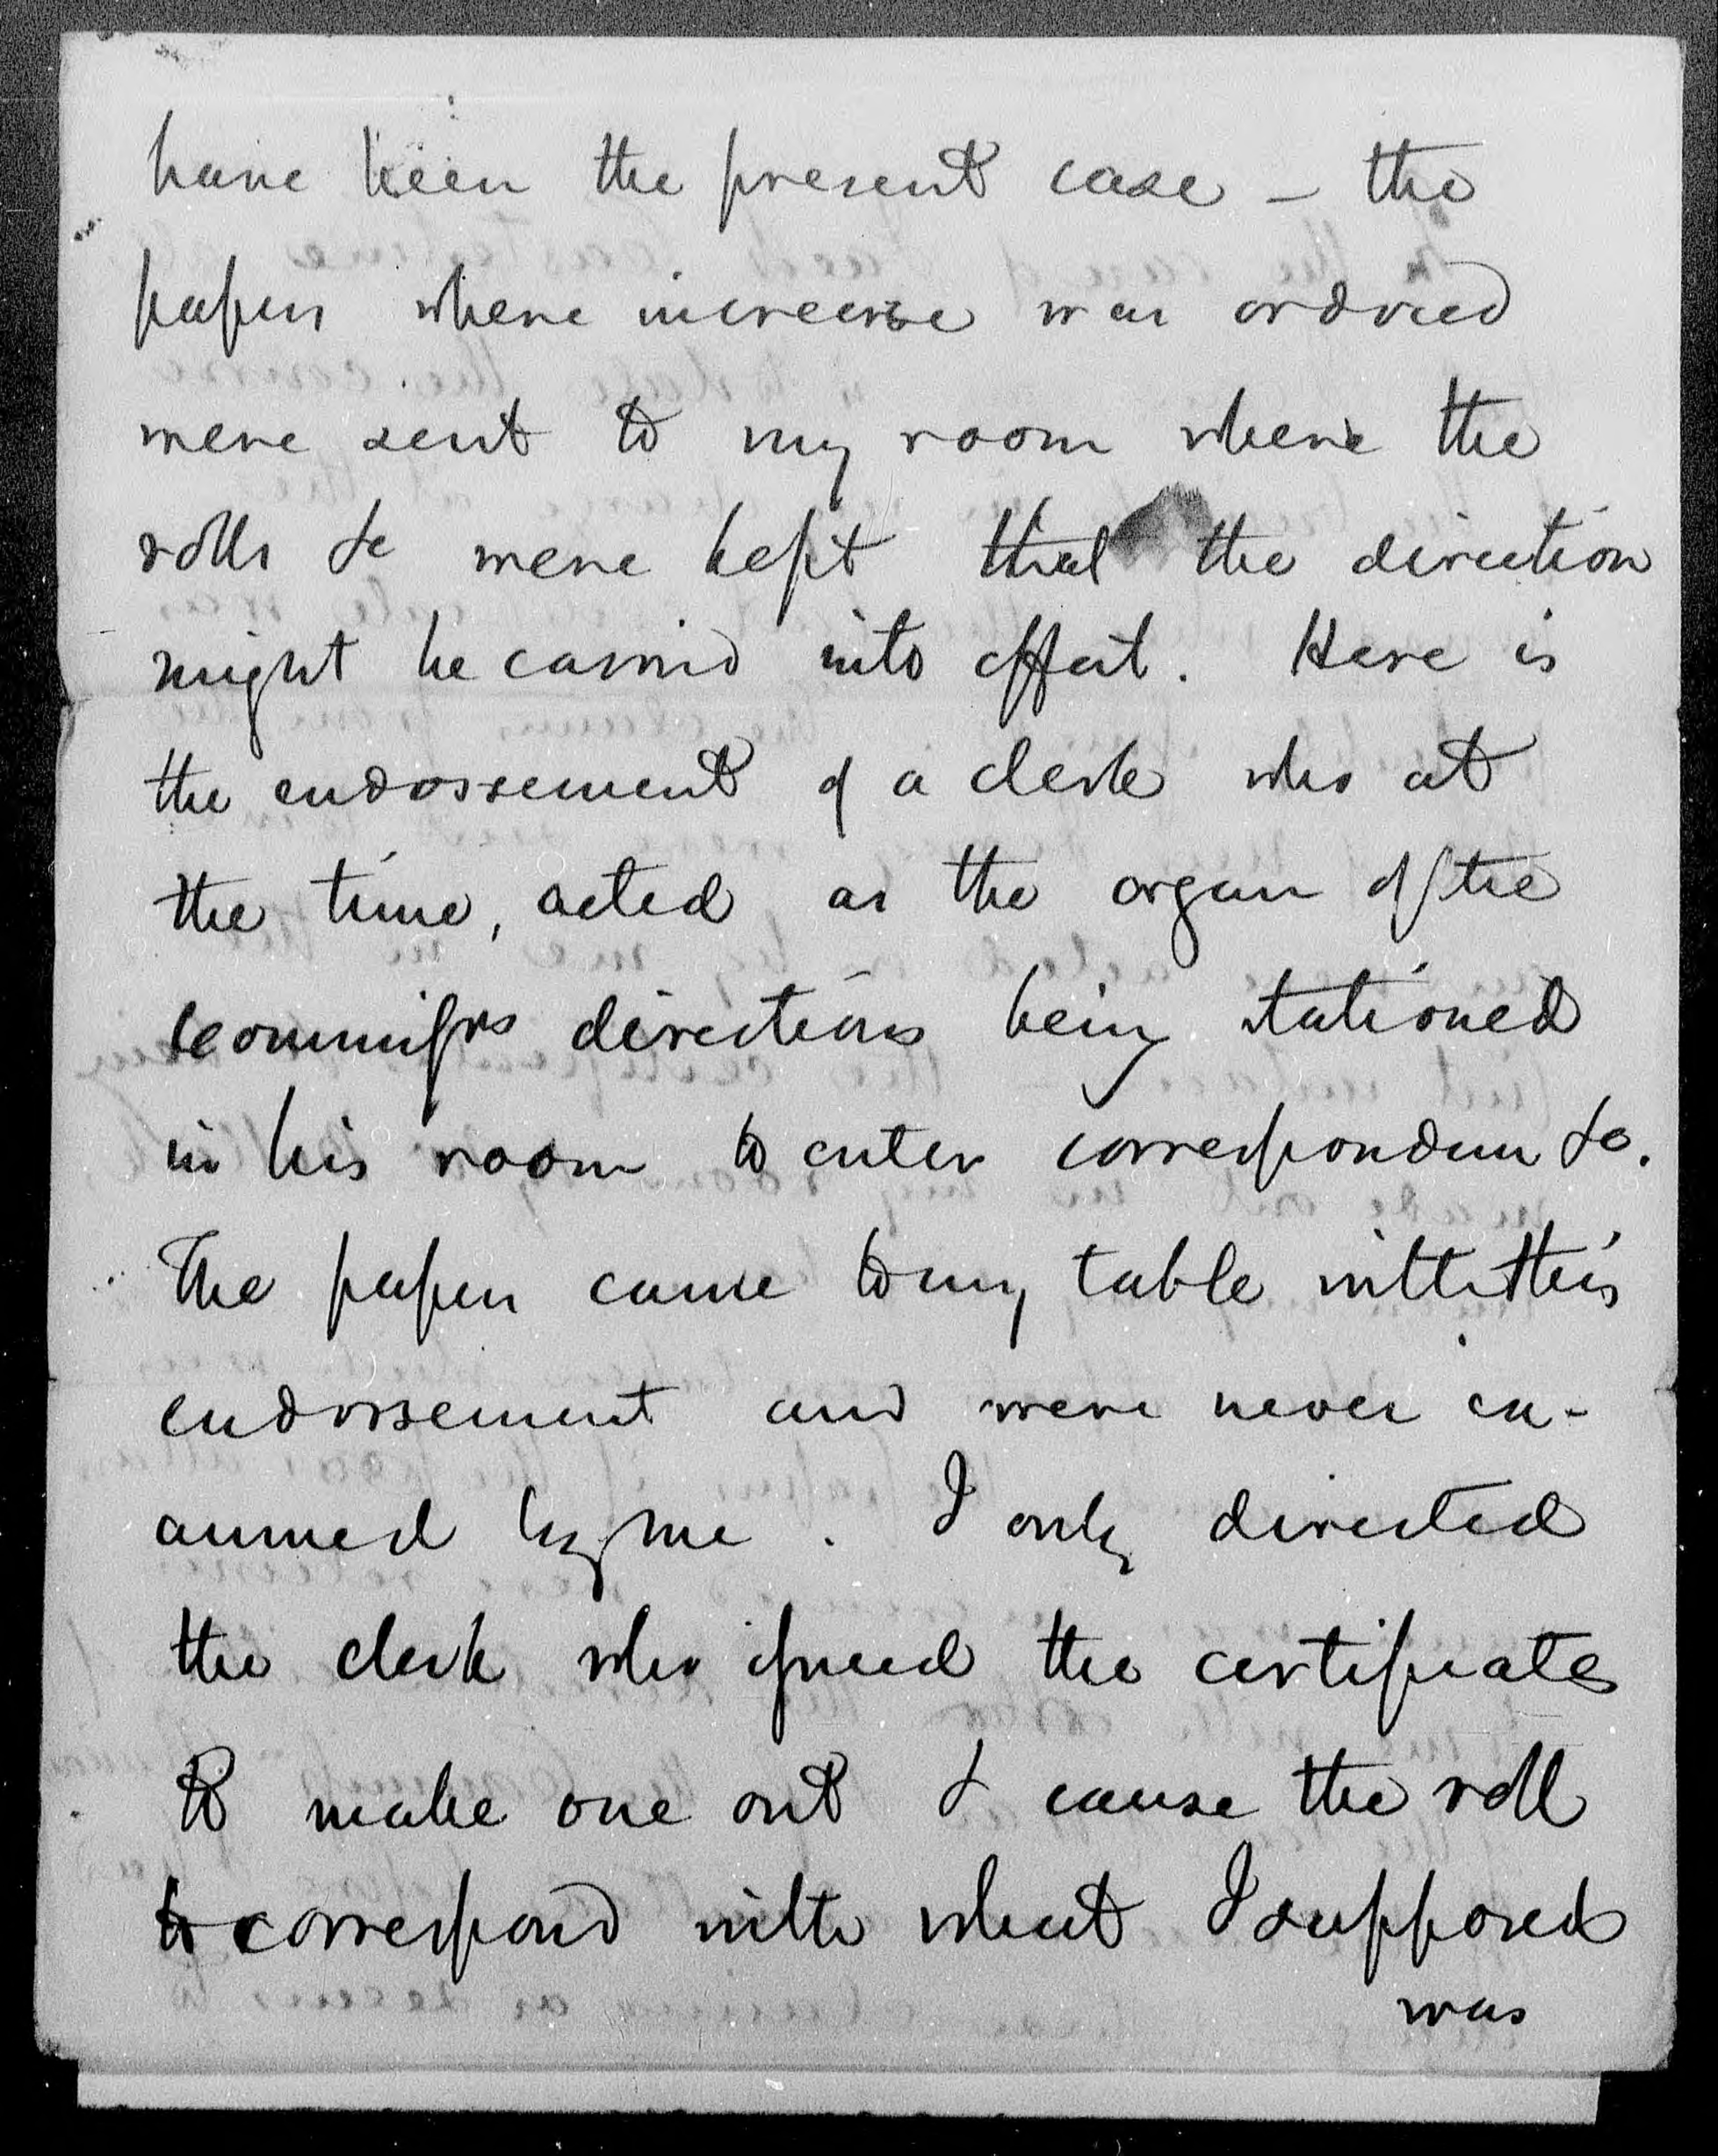[continued from previous page]

have been the present case - the papers where increase was ordered were sent to my room where the rolls to were left that the direction might be carried into effect.  Here is the endorsement of a clerk who at the time acted as the organ of the township directions being stationed in his room to [?] correspondence to.  The paper came to my table with this endorsement and were never [?] by me.  I only directed the clerk who filed the certificate to make one out and cause the roll to correspond with what I supposed was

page: 34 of 38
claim: widow's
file: W. 6644, Jacob Casterline, New Jersey